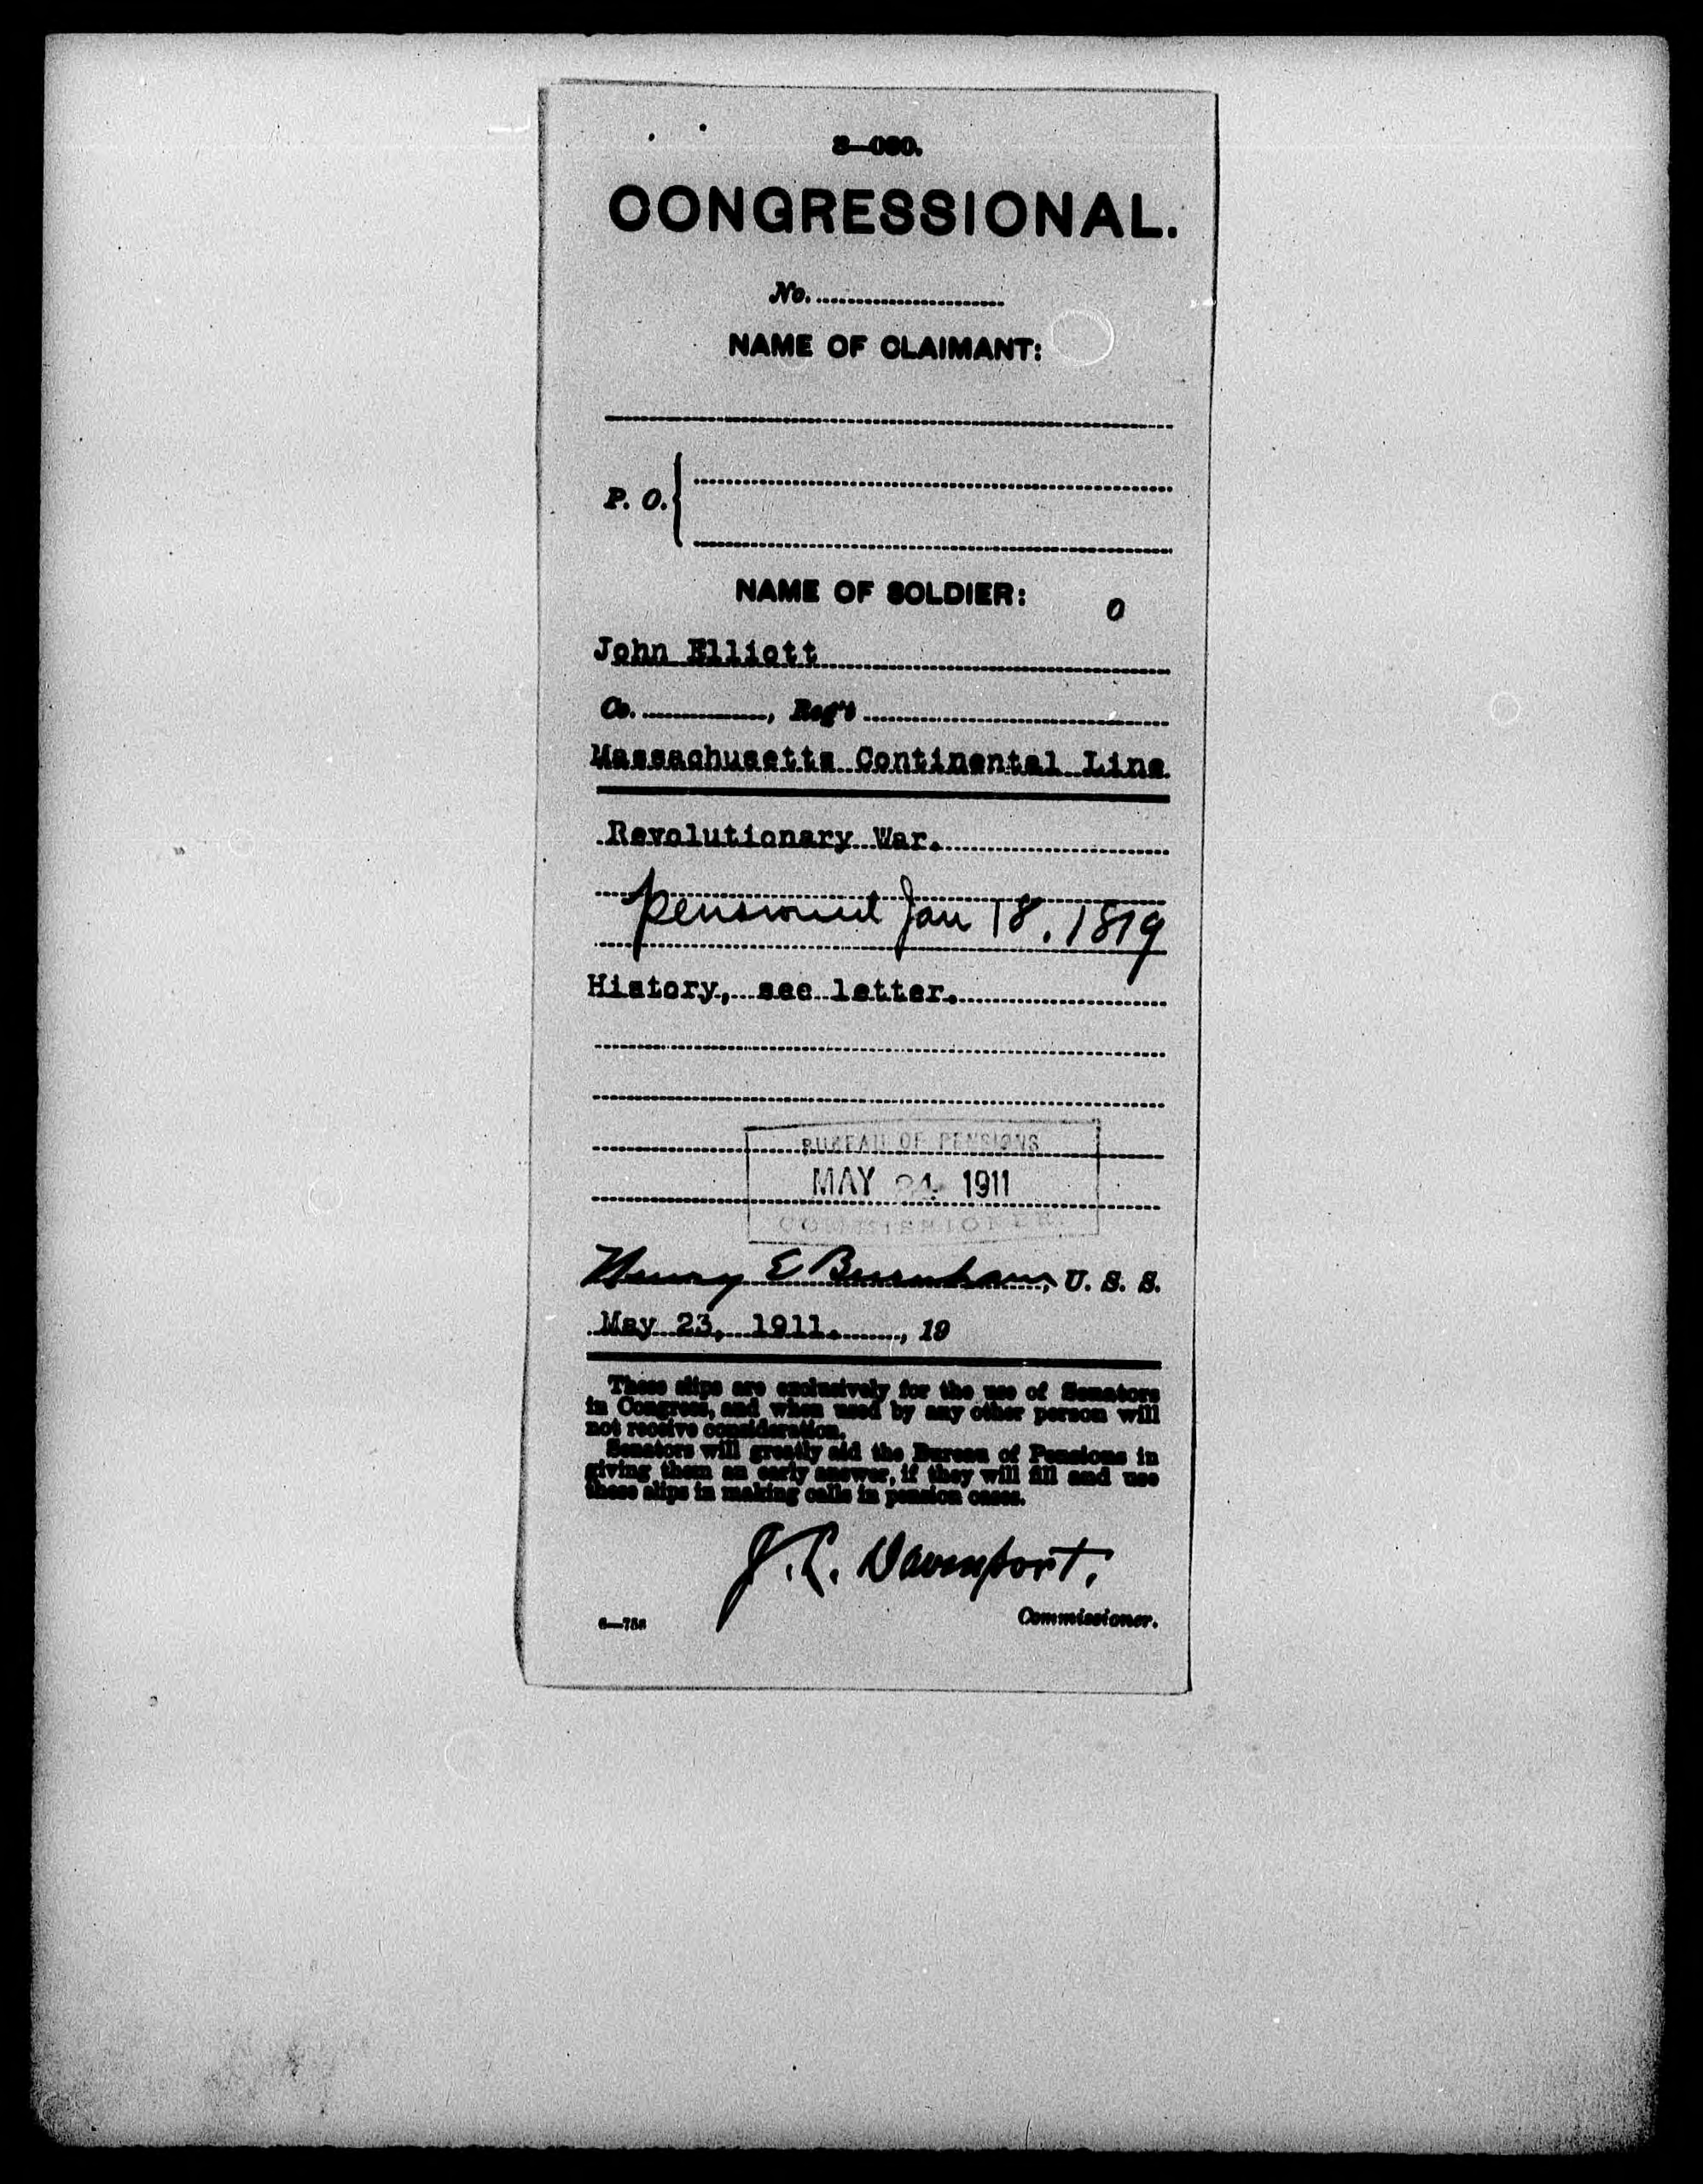3-080
CONGRESSIONAL.
No.
NAME OF CLAIMANT:
P.O.
NAME OF SOLDIER:
John Elliott
Os.
Reg's.
Massachusetts Continental Line.
-
Revolutionary War.
pensioned Jan 18. 1819
History, see letter.
A.
[stamped]
MAY 22 1911
2
---
Henry E Burnham D. S.S.
May 23, 1911 19
These slips are exclusively for the use of [illegible Senator] and when used by any 
other person will not receive [illegible]
Senators will greatly aid this Bureau o Pensions in giving them an early answer, if they wil i and use these slips in making calls in pension cases.  
J.L. Davenport.
Commissioner.
6-78s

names: John Elliott, J L Davenport, Henry E Burnham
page: 24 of 57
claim: widow's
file: W. 16,114, John Elliot, Continental (Mass) N.H.